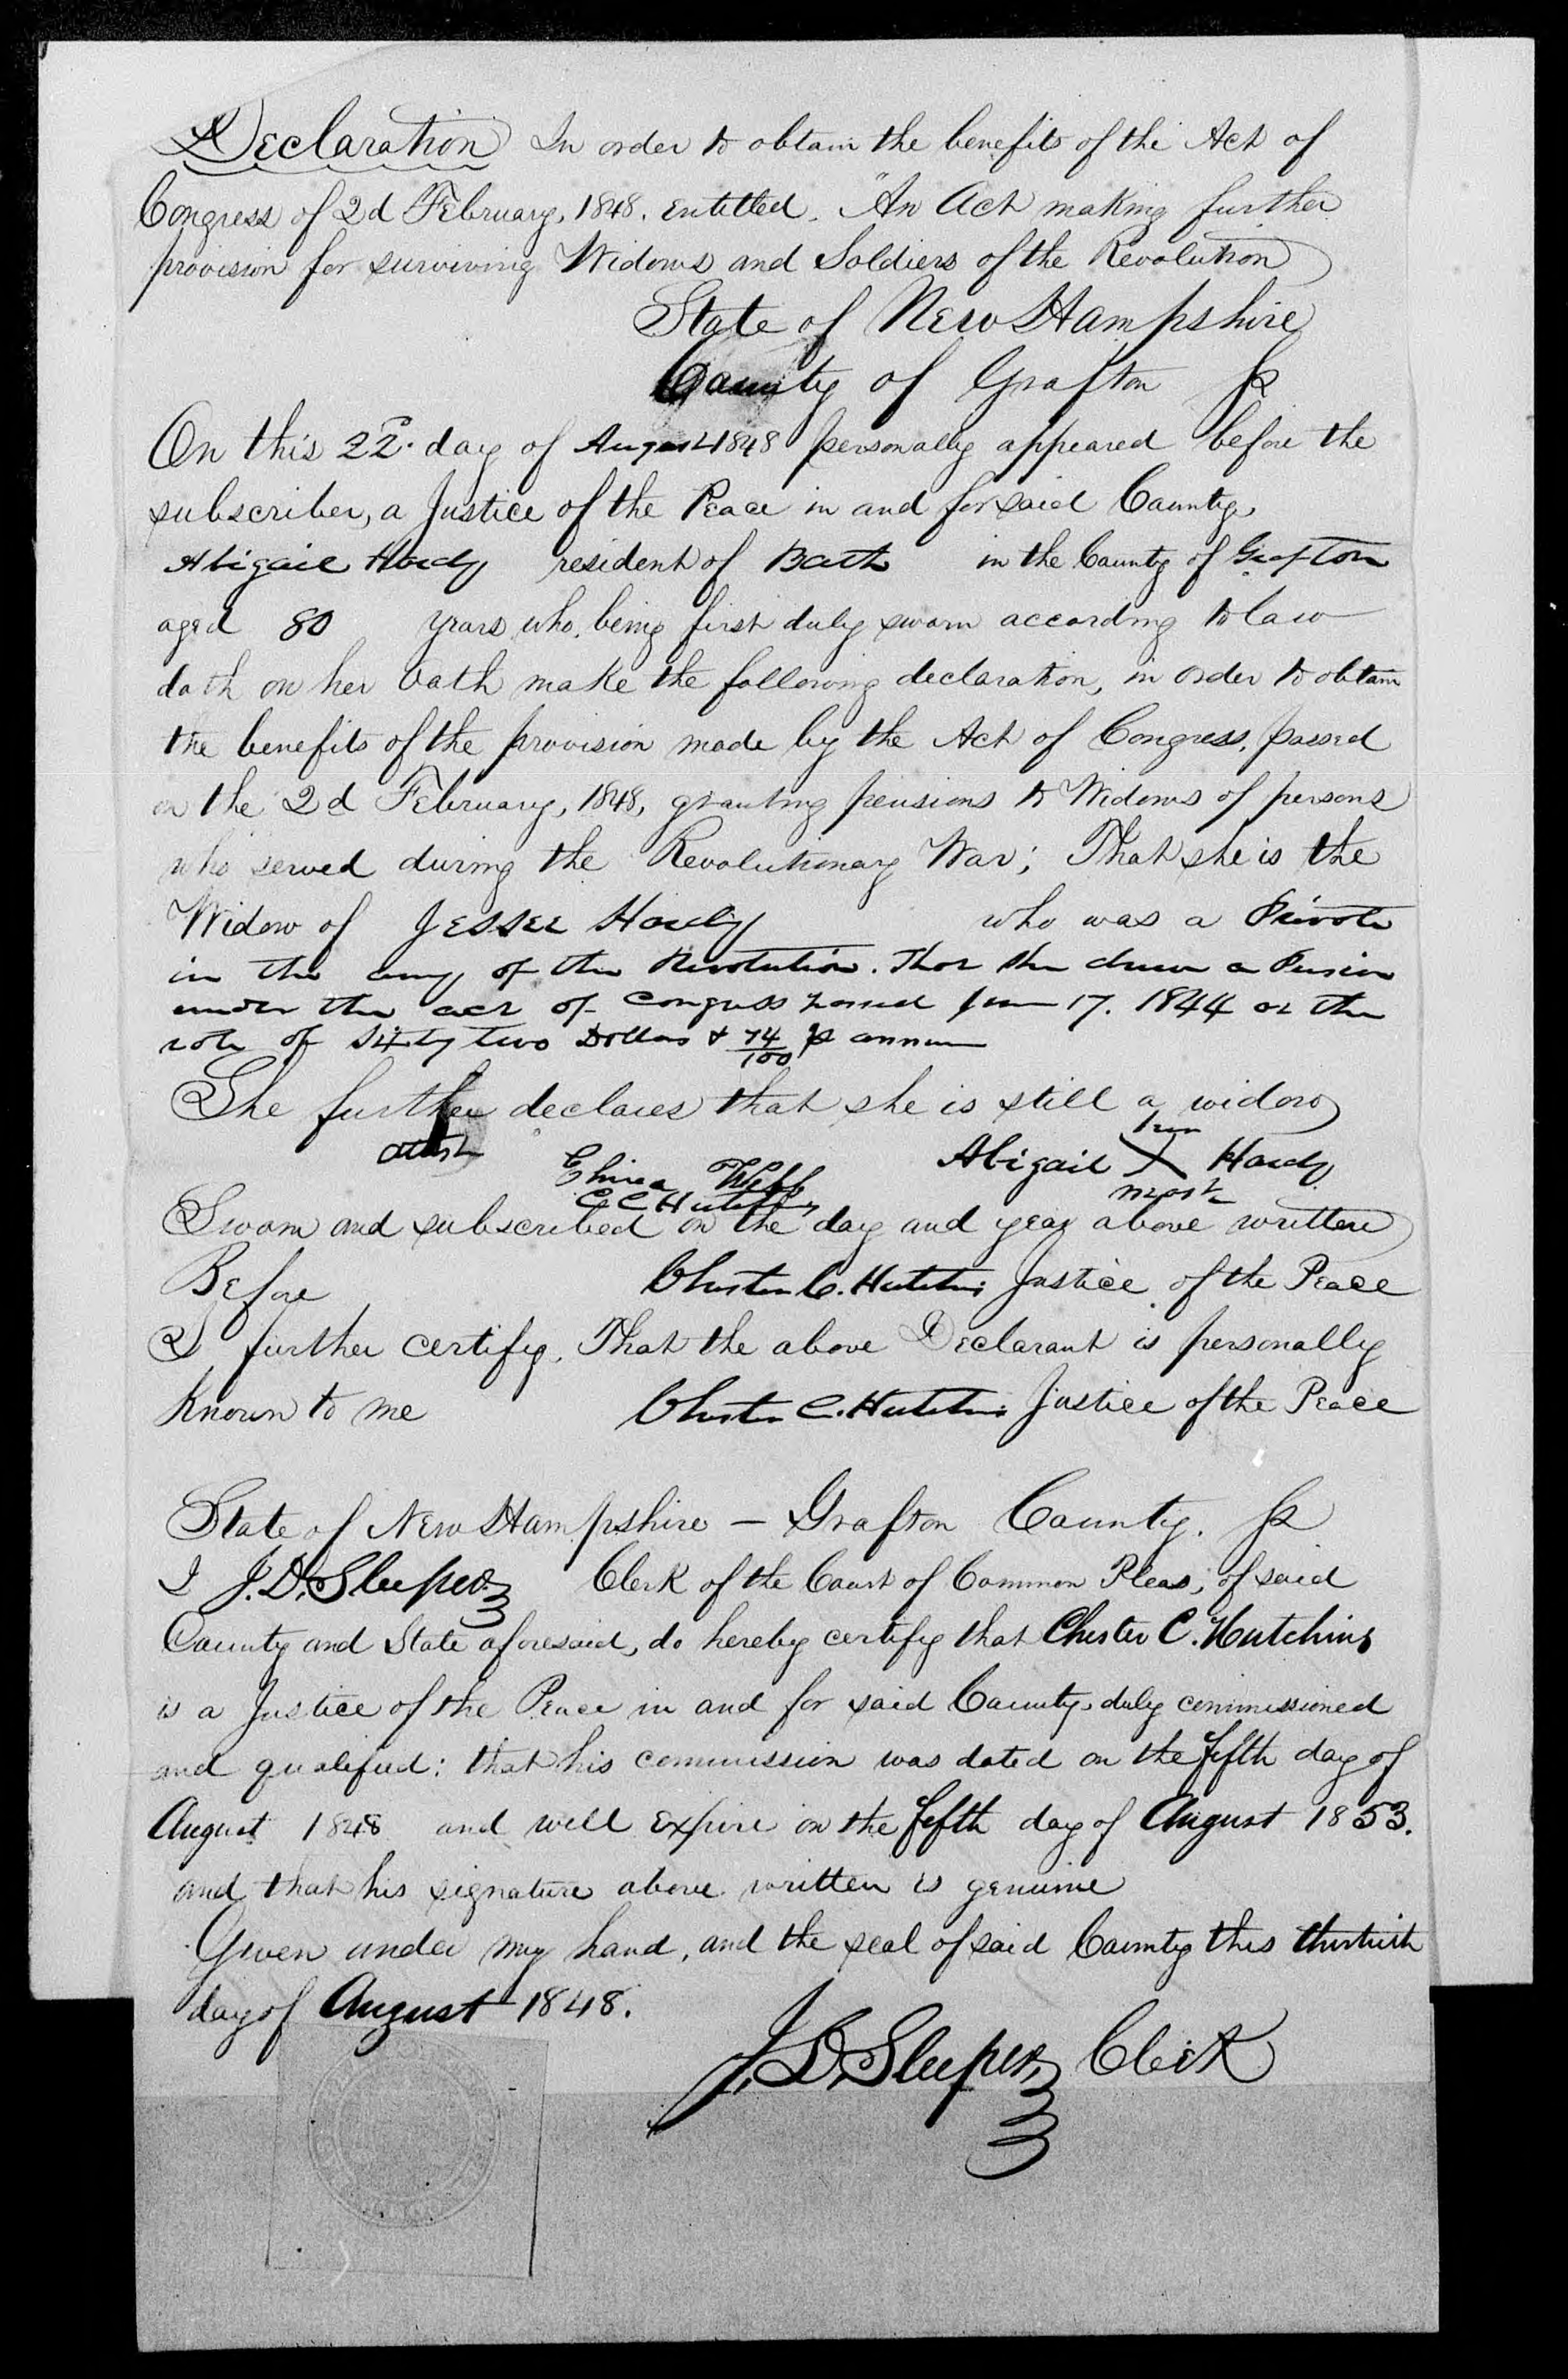Declaration in order to obtain the benefits of the Act of Congress of 2d February, 1848, entitled. An Act making further provision for surviving widows and Soldiers of the Revolution 
State of New Hampshire County of Grafton SS 
On this 22 day of August 1848 personally appeared before the subscriber, a Justice of the Peace in and for said County Abigail Hardy resident of Bath in the County of Grafton aged 80 years who being first duly sworn according to law doth on her oath make the following declaration, in order to obtain the benefits of the provision made by the Act of Congress, passed on the 2d February, 1848, granting pensions to widows of persons who served during the Revolutionary War; That she is the Widow of Jessee Haryy who was a Private in the army of the Revolution. That she drew a Pension under the act of Congress passed June 17, 1844 on the rate of Sixty two Dollars & 74 cents per annum.
She further declares that she is still a widow
Abigail her X mark Hardy 
Elvira Webb CC Hutchins
Sworn and subscribed on the day and year above written Before Chester C. Hutchins Justice of the Peace 
I further certify, That the above Declarant is personally known to me Charles C. Hutchins Justice of the Peace 
State of New Hampshire - Grafton County SS
J. D. Sleeper Clerk of the Court of Common Pleas, of said County and State aforesaid, do hereby certify that Chester C. Hutchins is a Justice of the Peace in and for said County, duly commissioned and qualified; that his commission was dated on the fifth day of August 1848 and will expire on the fifth day of August 1853 and that his signature above written is genuine 
Given under my hand, and the seal of said County this thirtieth day of August 1848. J. D. Sleeper Clerk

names: Jessee Hardy, Abigail Hardy, Elvira Webb, Chester C Hutchins, J D Sleeper, Chester C Hutchins, Chester C Hutchins, C C Hutchins, Abigail Hardy, J D Sleeper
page: 38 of 67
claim: widow's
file: W. 23183, Jesse Hardy, Mass.